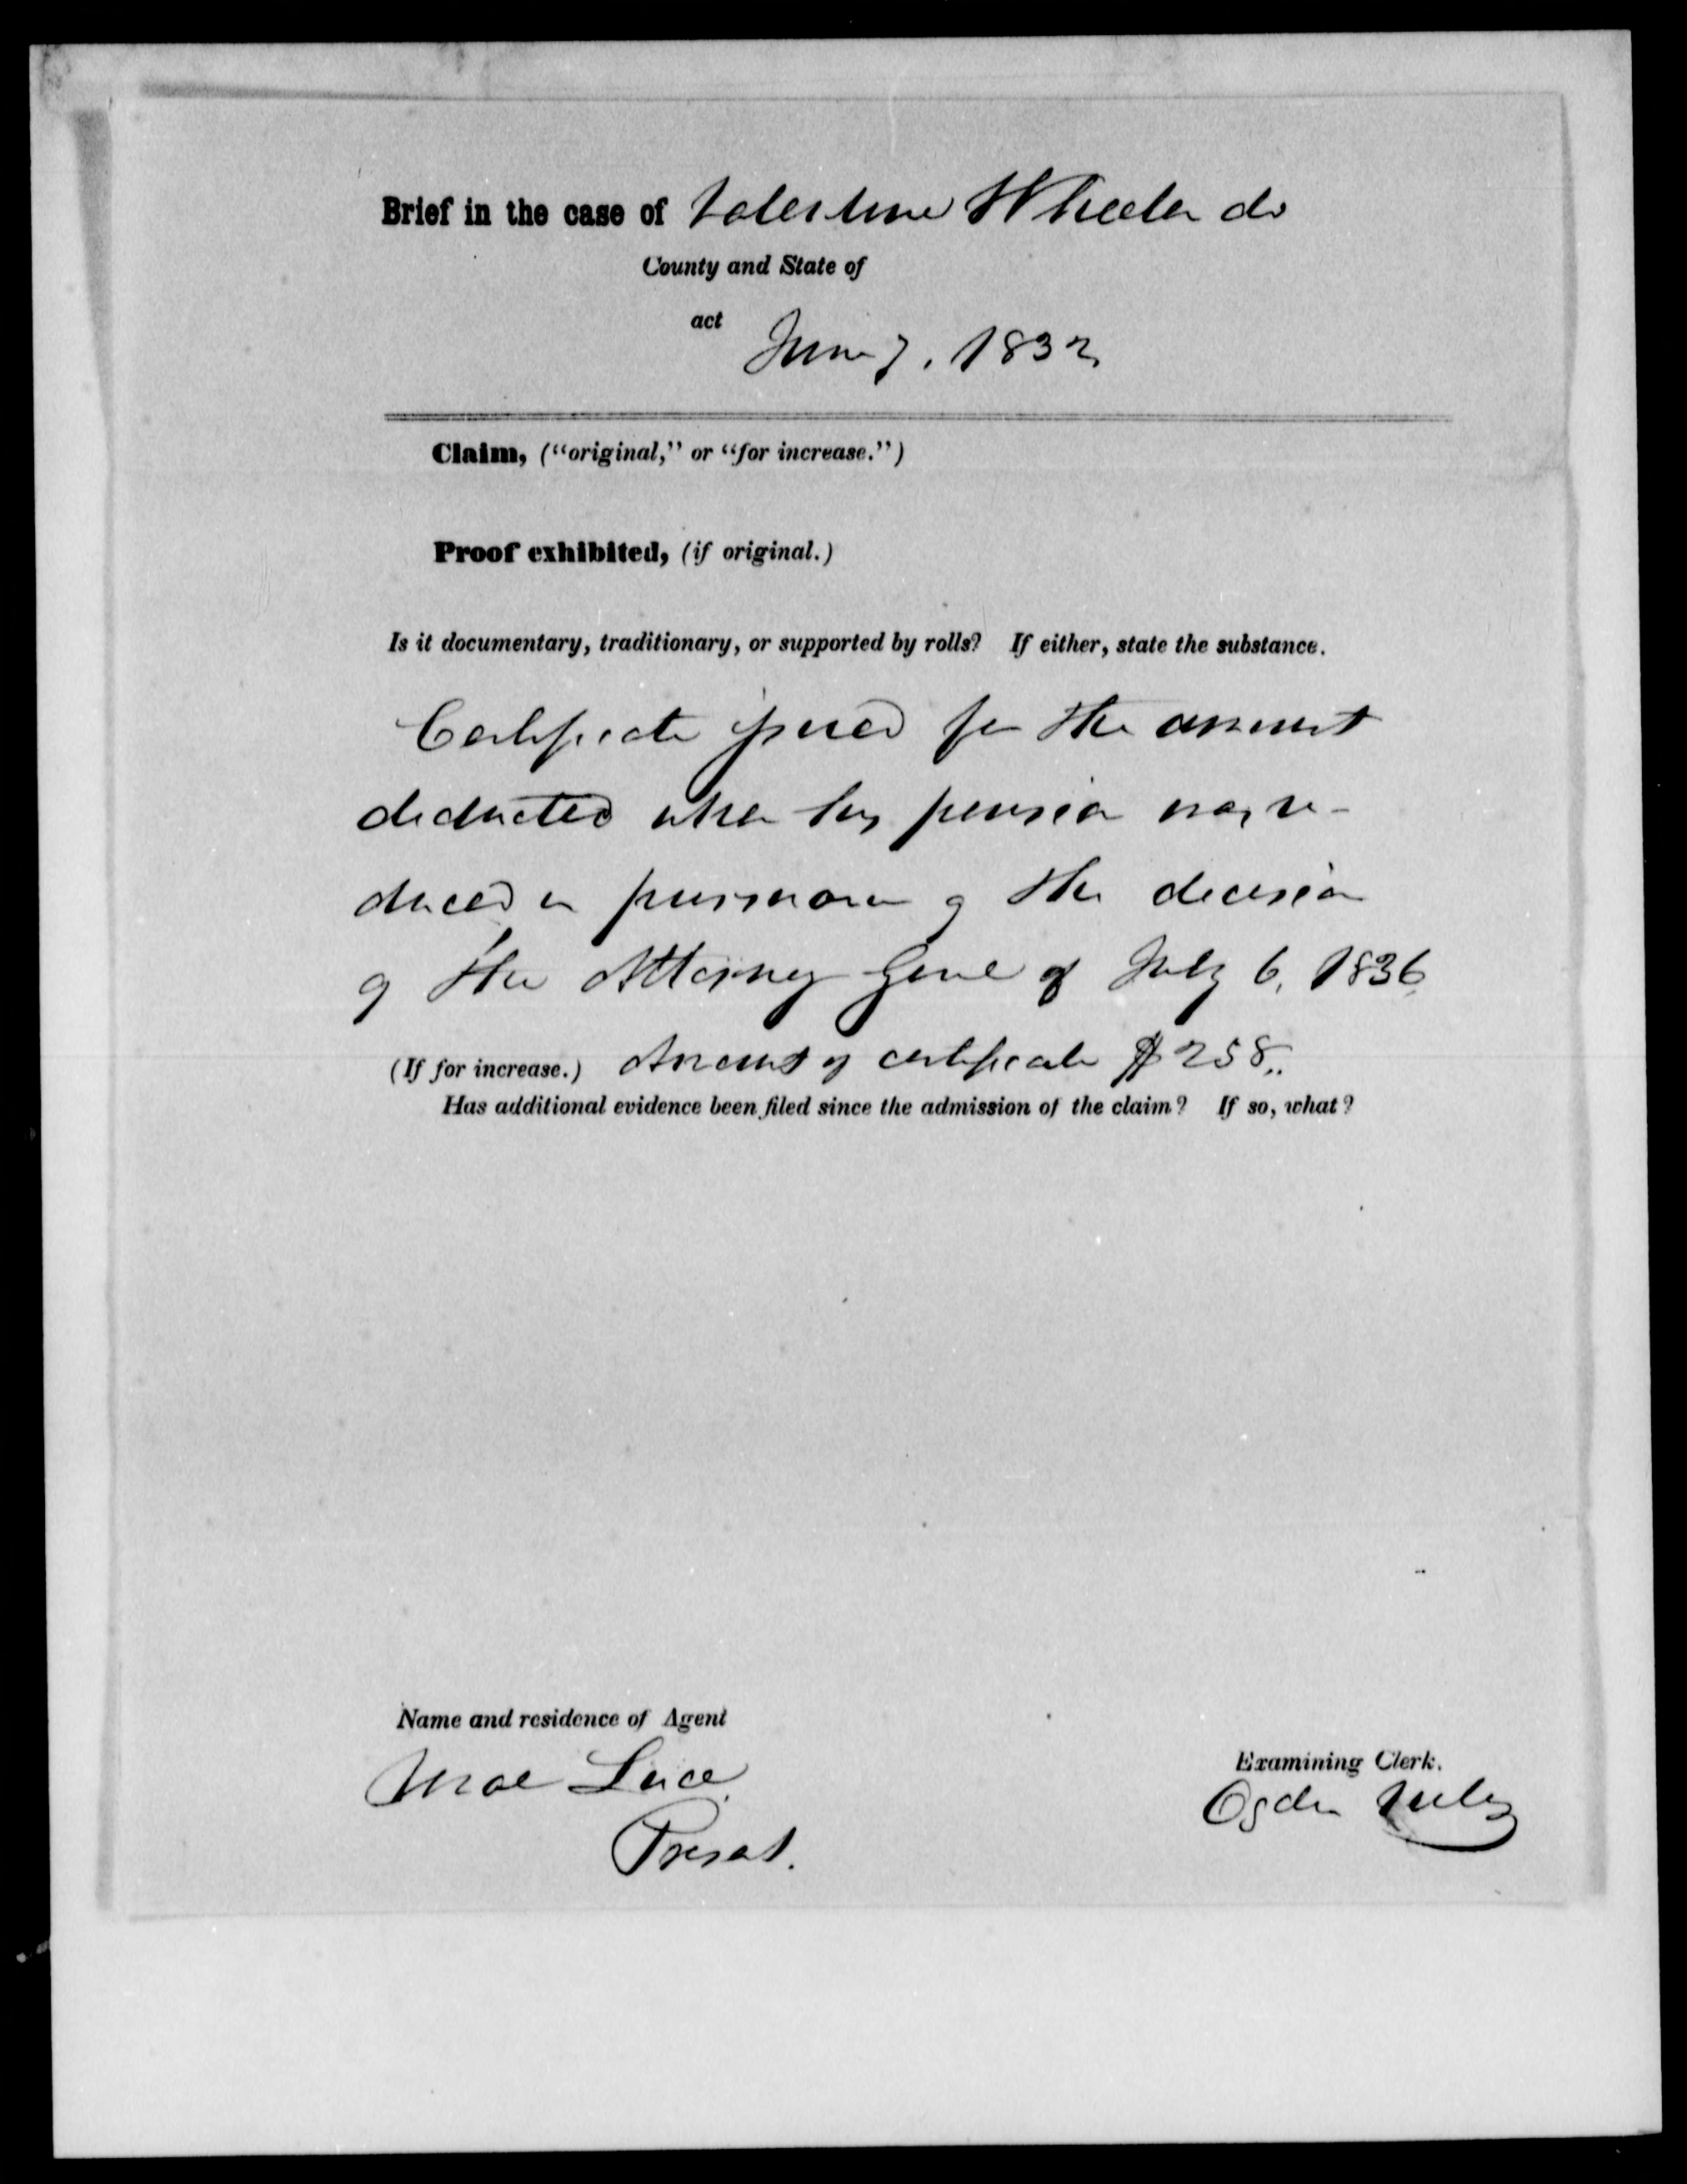Brief in the case of Volentine Wheeler dec.
County and State of
act June 7, 1832

Claims, ("original", or "for increase")

Proof exhibited, (if original)

Is it documentary, traditionary, or supported by rolls? If either, state the substance.
Certificate given for the amount deducted when his pension was reduced in pursuance of the decision of the Attorney Genl. of July 6, 1835.
Amount of certificate $258
(If for increase)
Has additional evidence been filed since the admission of the claim? If so, what?

Examining Clerk
Ogden Lutz

Name and residence of Agent
Vinal Luce, Present.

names: Ogden Lutz, Volentine Wheeler, Ural Luce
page: 73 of 98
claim: widow's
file: W. 1682, Valentine Wheeler, Mass.